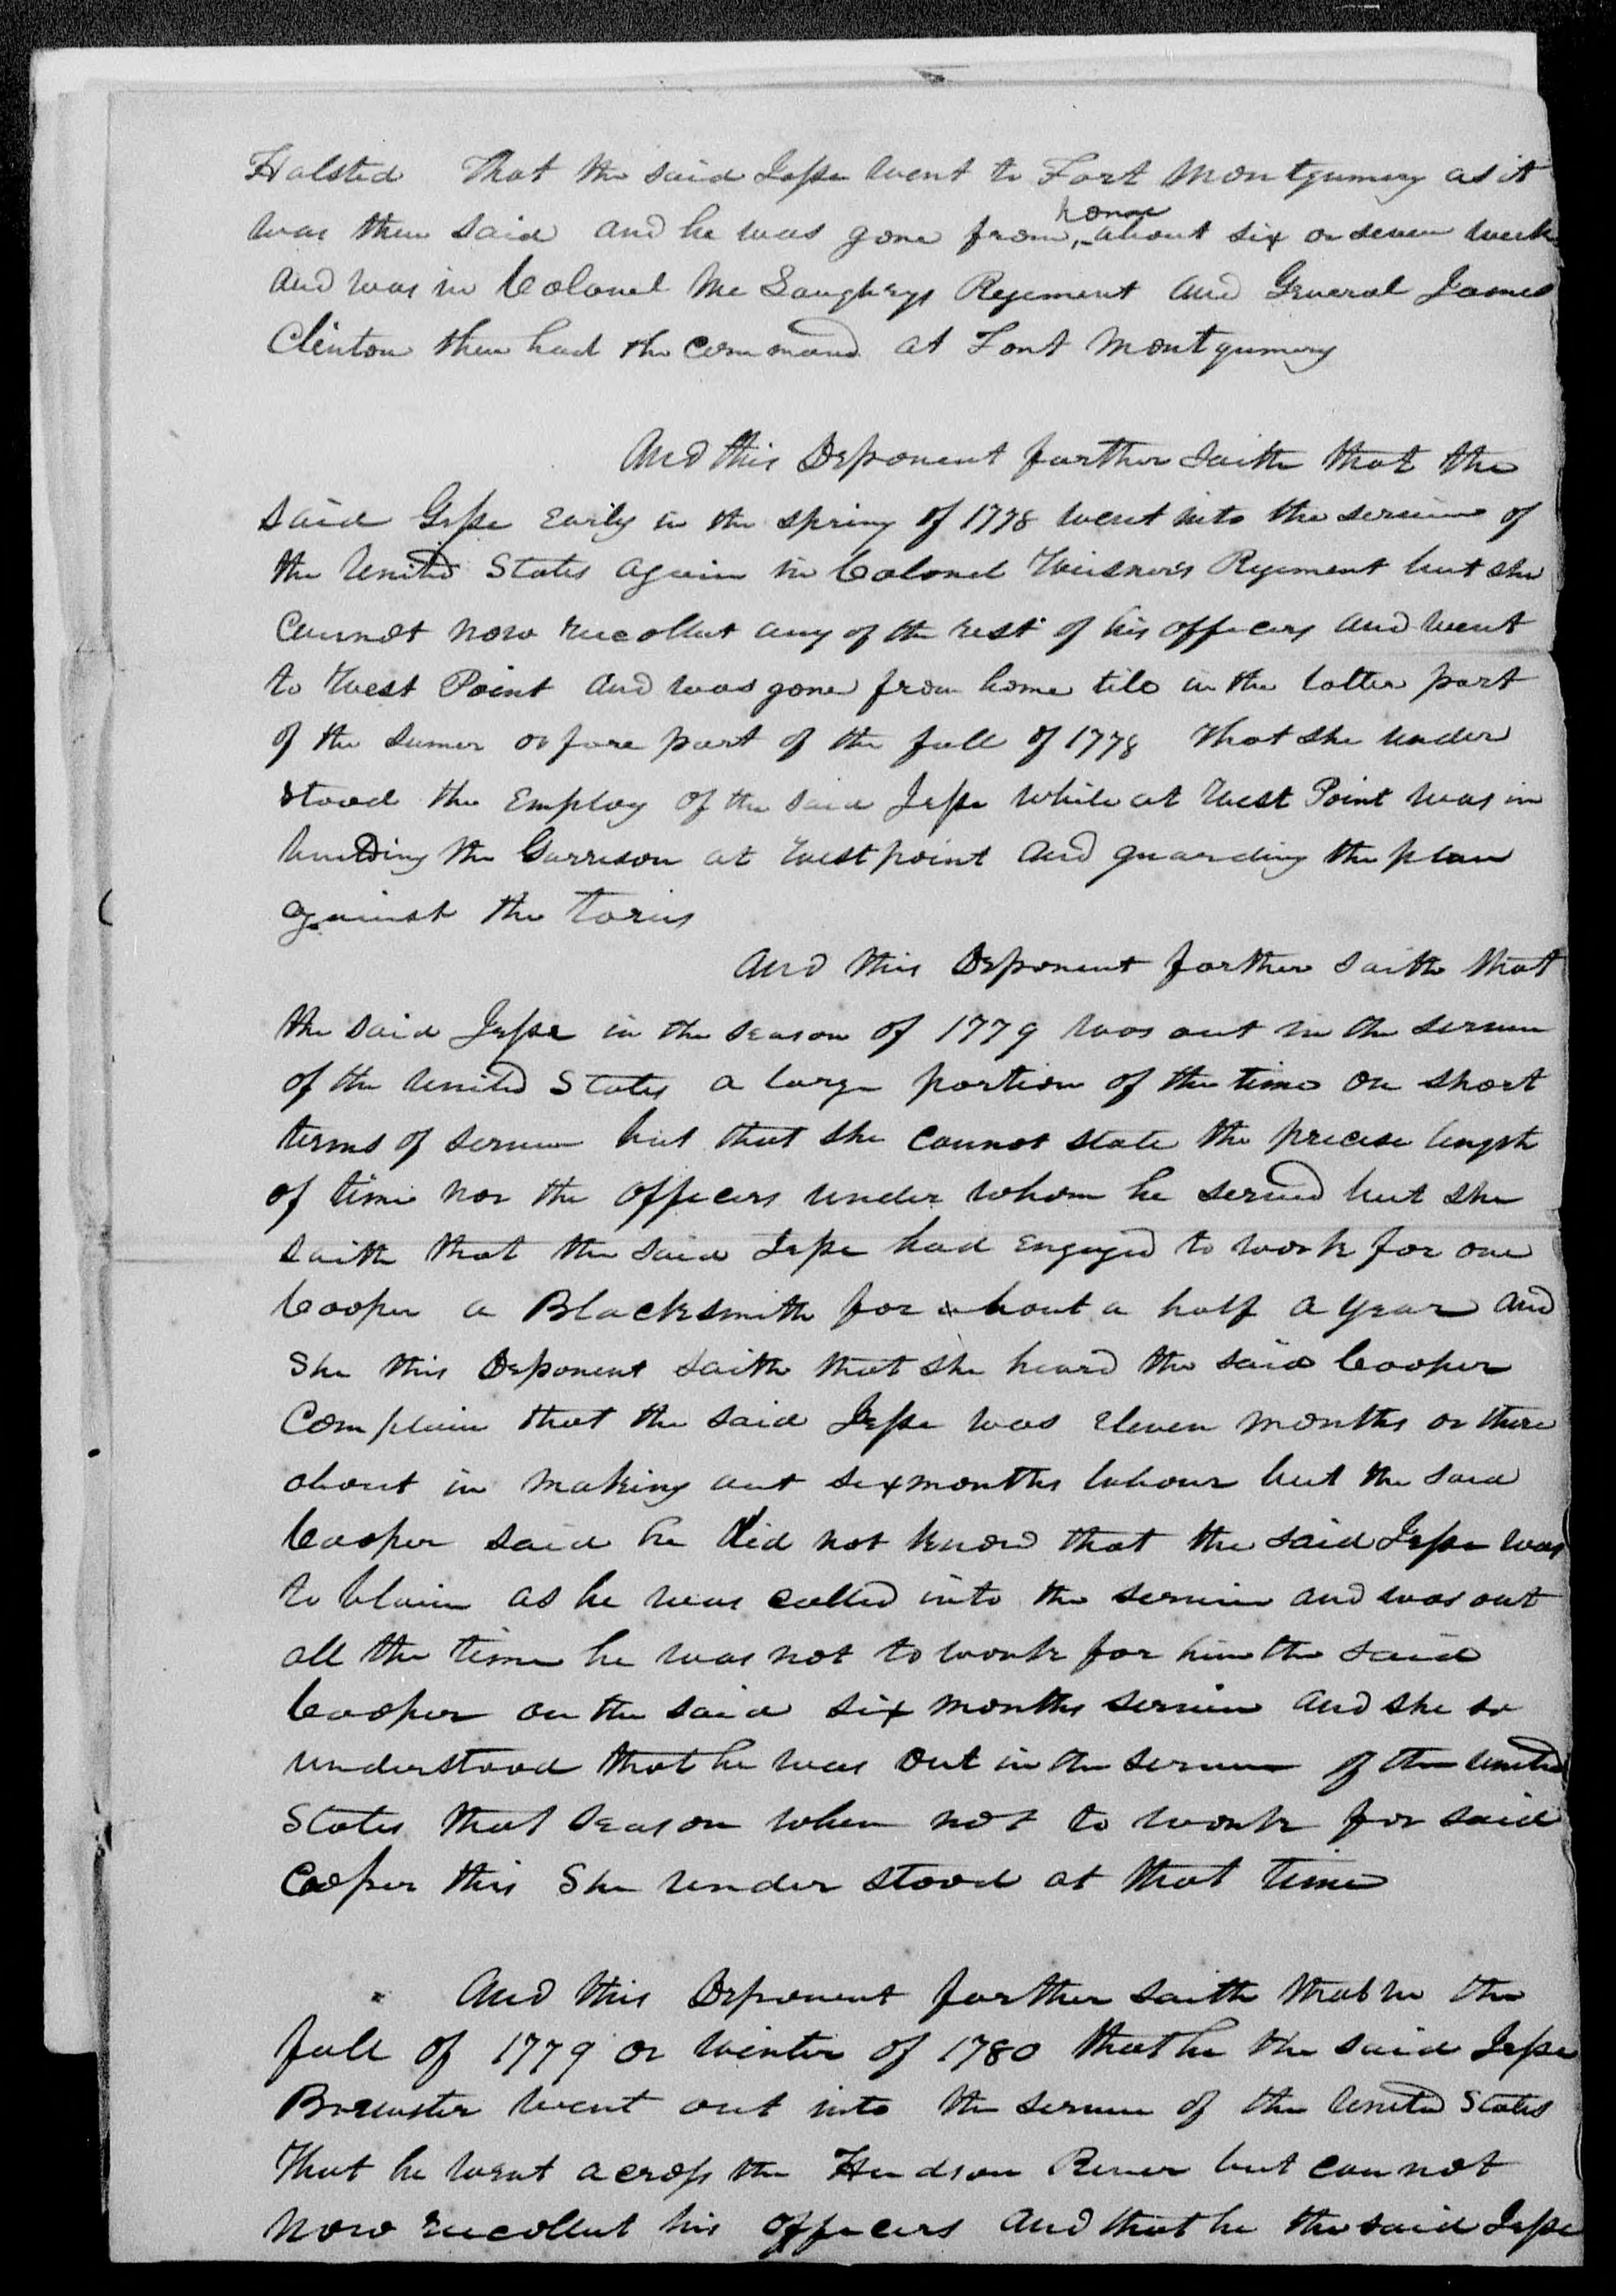Halsted that the said Jesse went to Fort Montgomery as it was then said and he was gone from home about six or seven weeks and was in Colonel Mc Saugheys Regiment and General James Clinton then had the command at Fort Montgomery
   And this deponent further saith that the said Jesse early in the spring of 1778 went into the service of the United States again in Colonel Wisner's Regiment but she cannot now recollect  any of the rest of his officers and went to West Point and was gone from home till in the latter part of the sumer or fore part of the full of 1778  That she understood the employ of the said Jesse while at West Point was in uniting the Garrison at West Point and guarding the place against the Tories
    And this deponent farther saith that the said Jesse in the season of 1779 was out in the service of the United States a large portion of the time  on short terms of service but that she cannot state the precise length of time nor the officers under whom he served but she saith that the said Jesse had engaged to work for one Cooper a Blacksmith for about a half a year and she this deponent saith that she heard the said Cooper complain that the said Jesse was eleven months or there about in making out six months labour but the said Cooper said he did not know that the said Jesse was to blaim (sic) as he was called into the service and was out all the time he was not to work for him the said Cooper on the said six months service and she so understood that he was out in the service of this United States that  season when hot to work for said Cooper this she understood at that time
     And this deponent further saith that in the full of 1779 or winter of 1780 that he the said Jesse Brewster went out into the service of the United States that he went across the Hudson River but cannot now recollect his officers and that he the said Jesse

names: Jesse, Cooper, Hudson River, Cooper, Cooper, James Clinton, Jesse, Jesse, Jesse Brewster, Jesse, Cooper, Jesse, Jesse, Jesse, Gesse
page: 4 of 26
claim: survivor's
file: S. 12,291, Jesse Brewster, New York